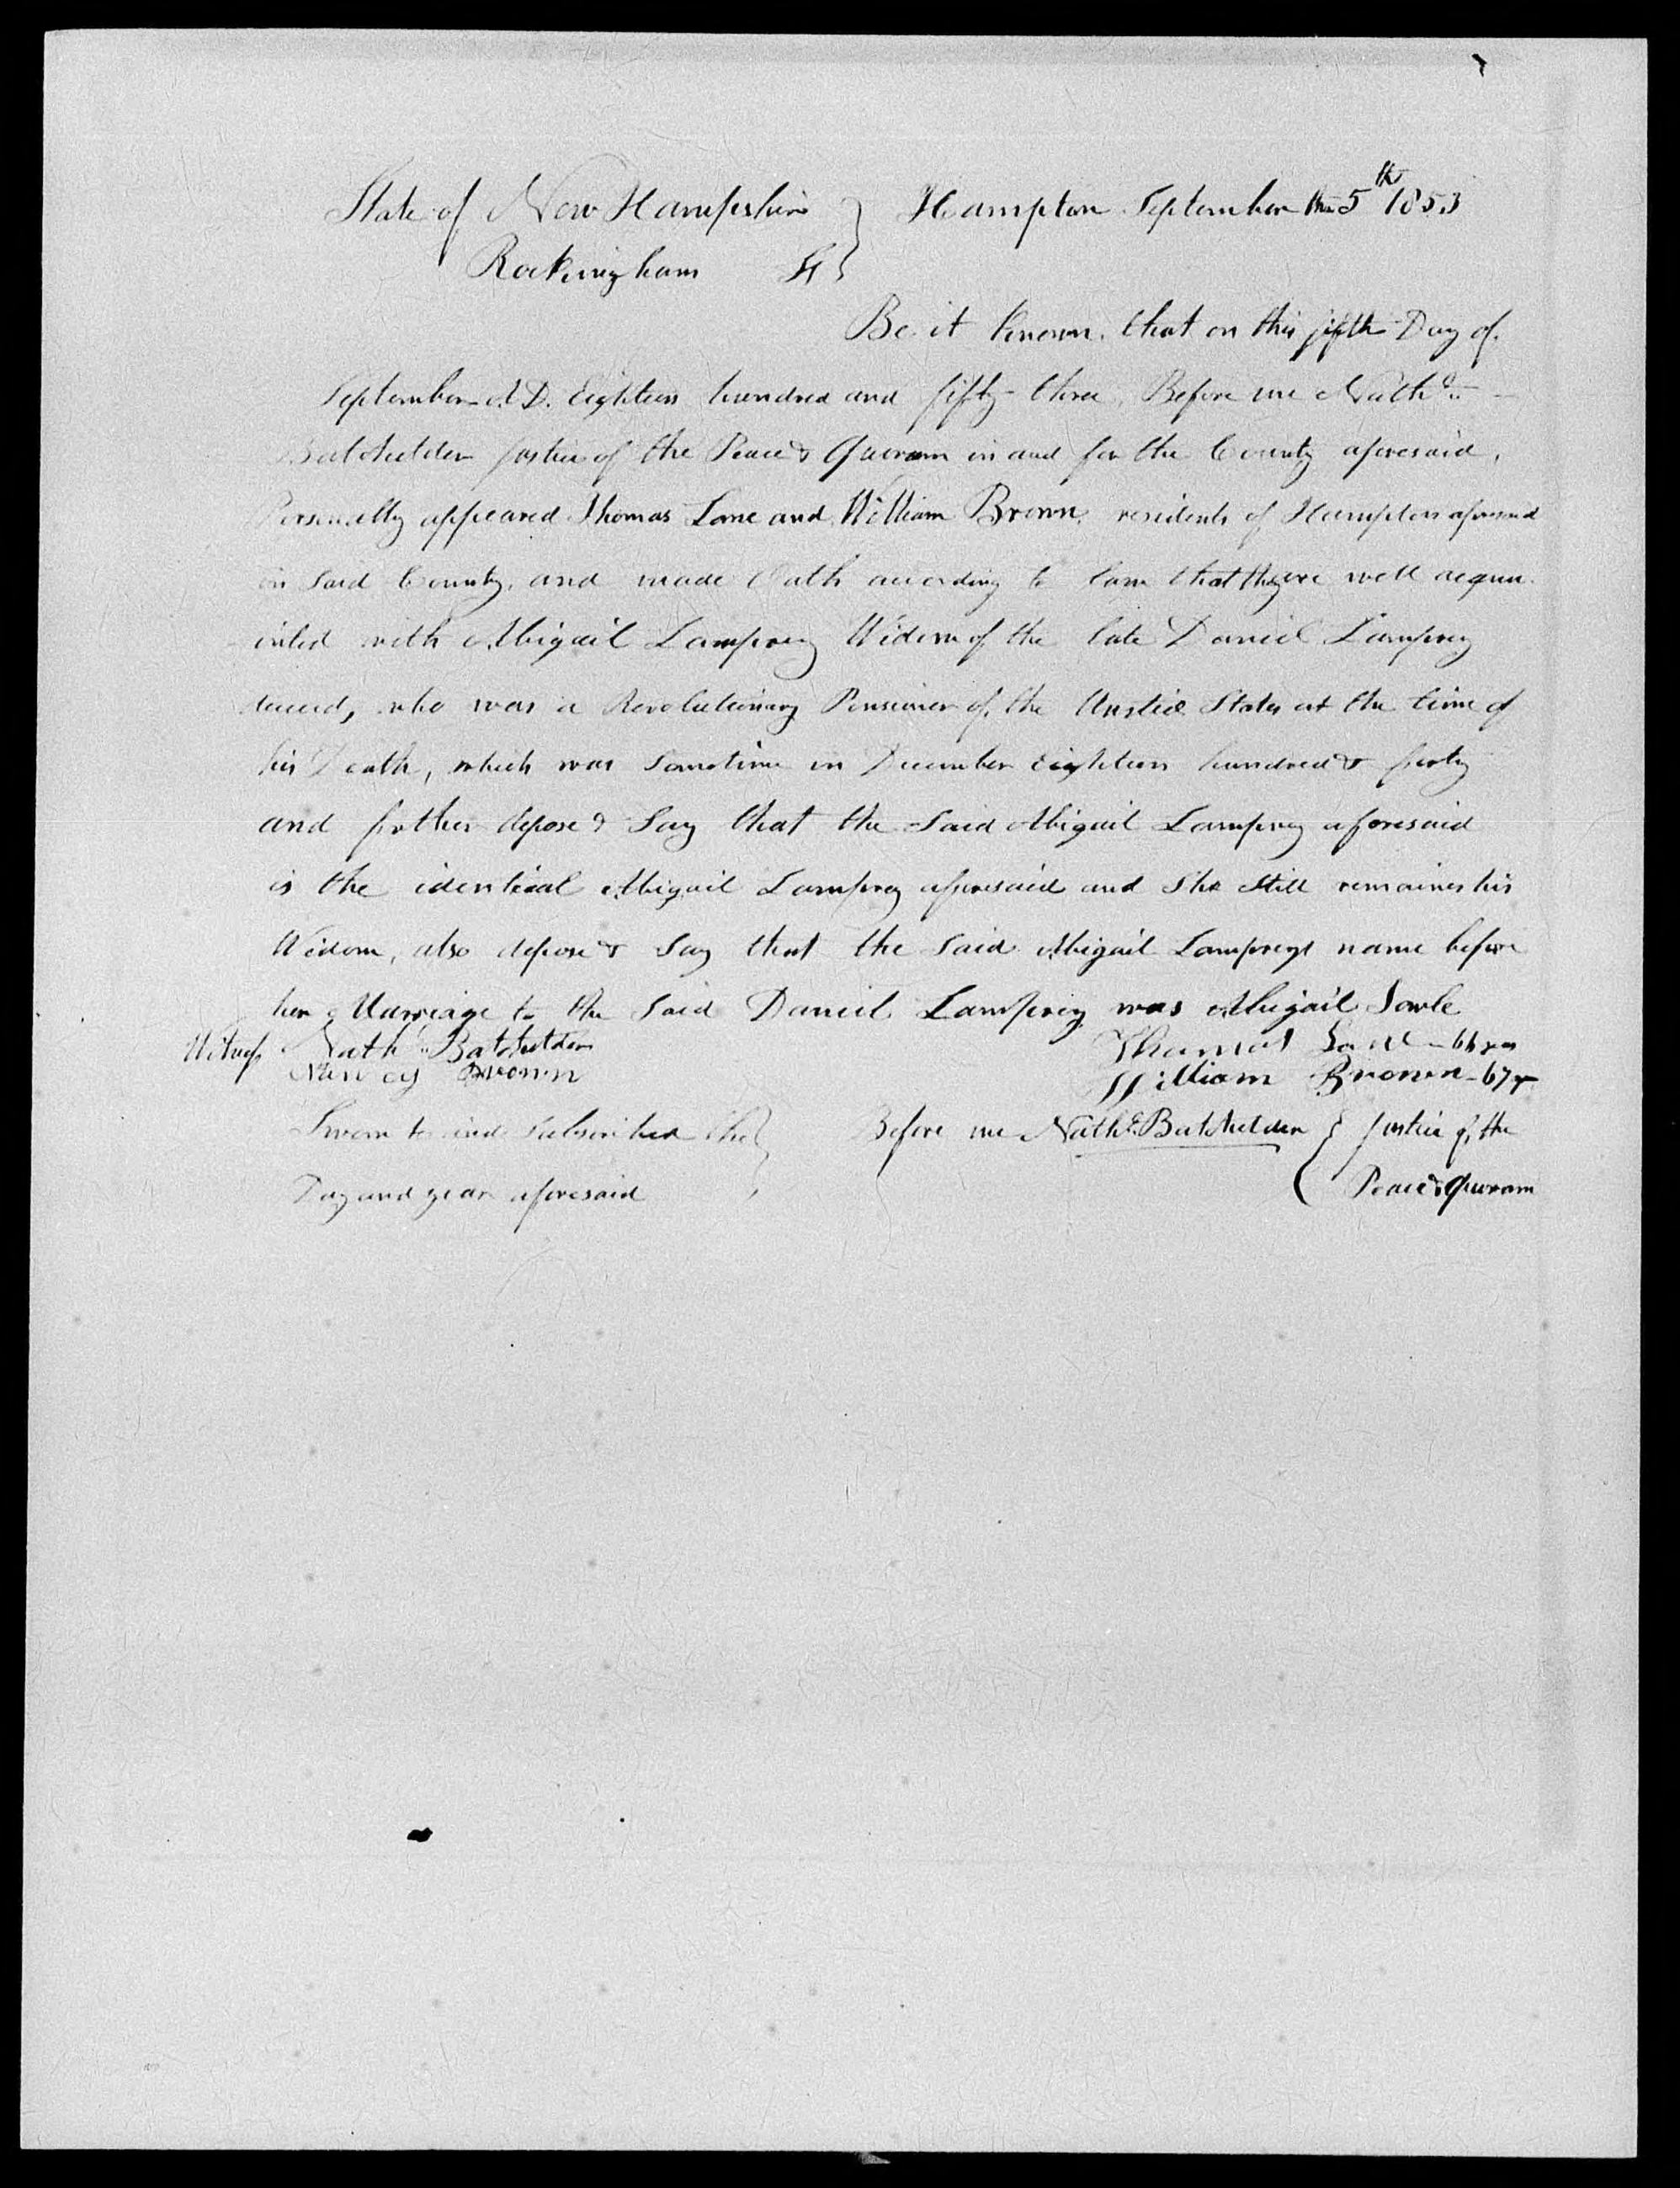State of New Hampshire Rockingham Ss}
Hampton September the 5th 1853
Be it known, that on this fifth Day of
September A.D. Eighteen hundred and fifty- three, Before me Nathl [NATHANIEL] 
Batchelder Justice of the Peace & Quorum in and for the County aforesaid, Personally appeared Thomas Lane and William Brown residents of Hampton aforesaid in said County, and made Oath according to law that they were well acquainted with Abigail Lamprey Widow of the late Daniel Lamprey deceased, who was a Revolutionary Pensioner of the United States at the time of his death, which was sometime in December Eighteen hundred & forty and further depose & say that the said Abigail Lamprey aforesaid is the identical Abigail Lamprey aforesaid and she still remains his Widow, also depose & say that the said Abigail Lampreys [sic] name before her marriage to the said Daniel Lamprey was Abigail Towle
Thomas Lane 66 yrs William Brown 67 yrs

Witness Nathl [NATHANIEL] Batchelder Nancy Brown
Sworn and subscribed the day and year aforesaid Before me Nathl [NATHANIEL] Batchelder } Justice of the Peace & Quorum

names: Nathl Batchelder; Thomas Lane; William Brown; Abigail Lamprey; Daniel Lamprey; Nancy Brwon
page: 51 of 53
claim: widow's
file: W. 492, for Daniel Lamprey, New Hampshire